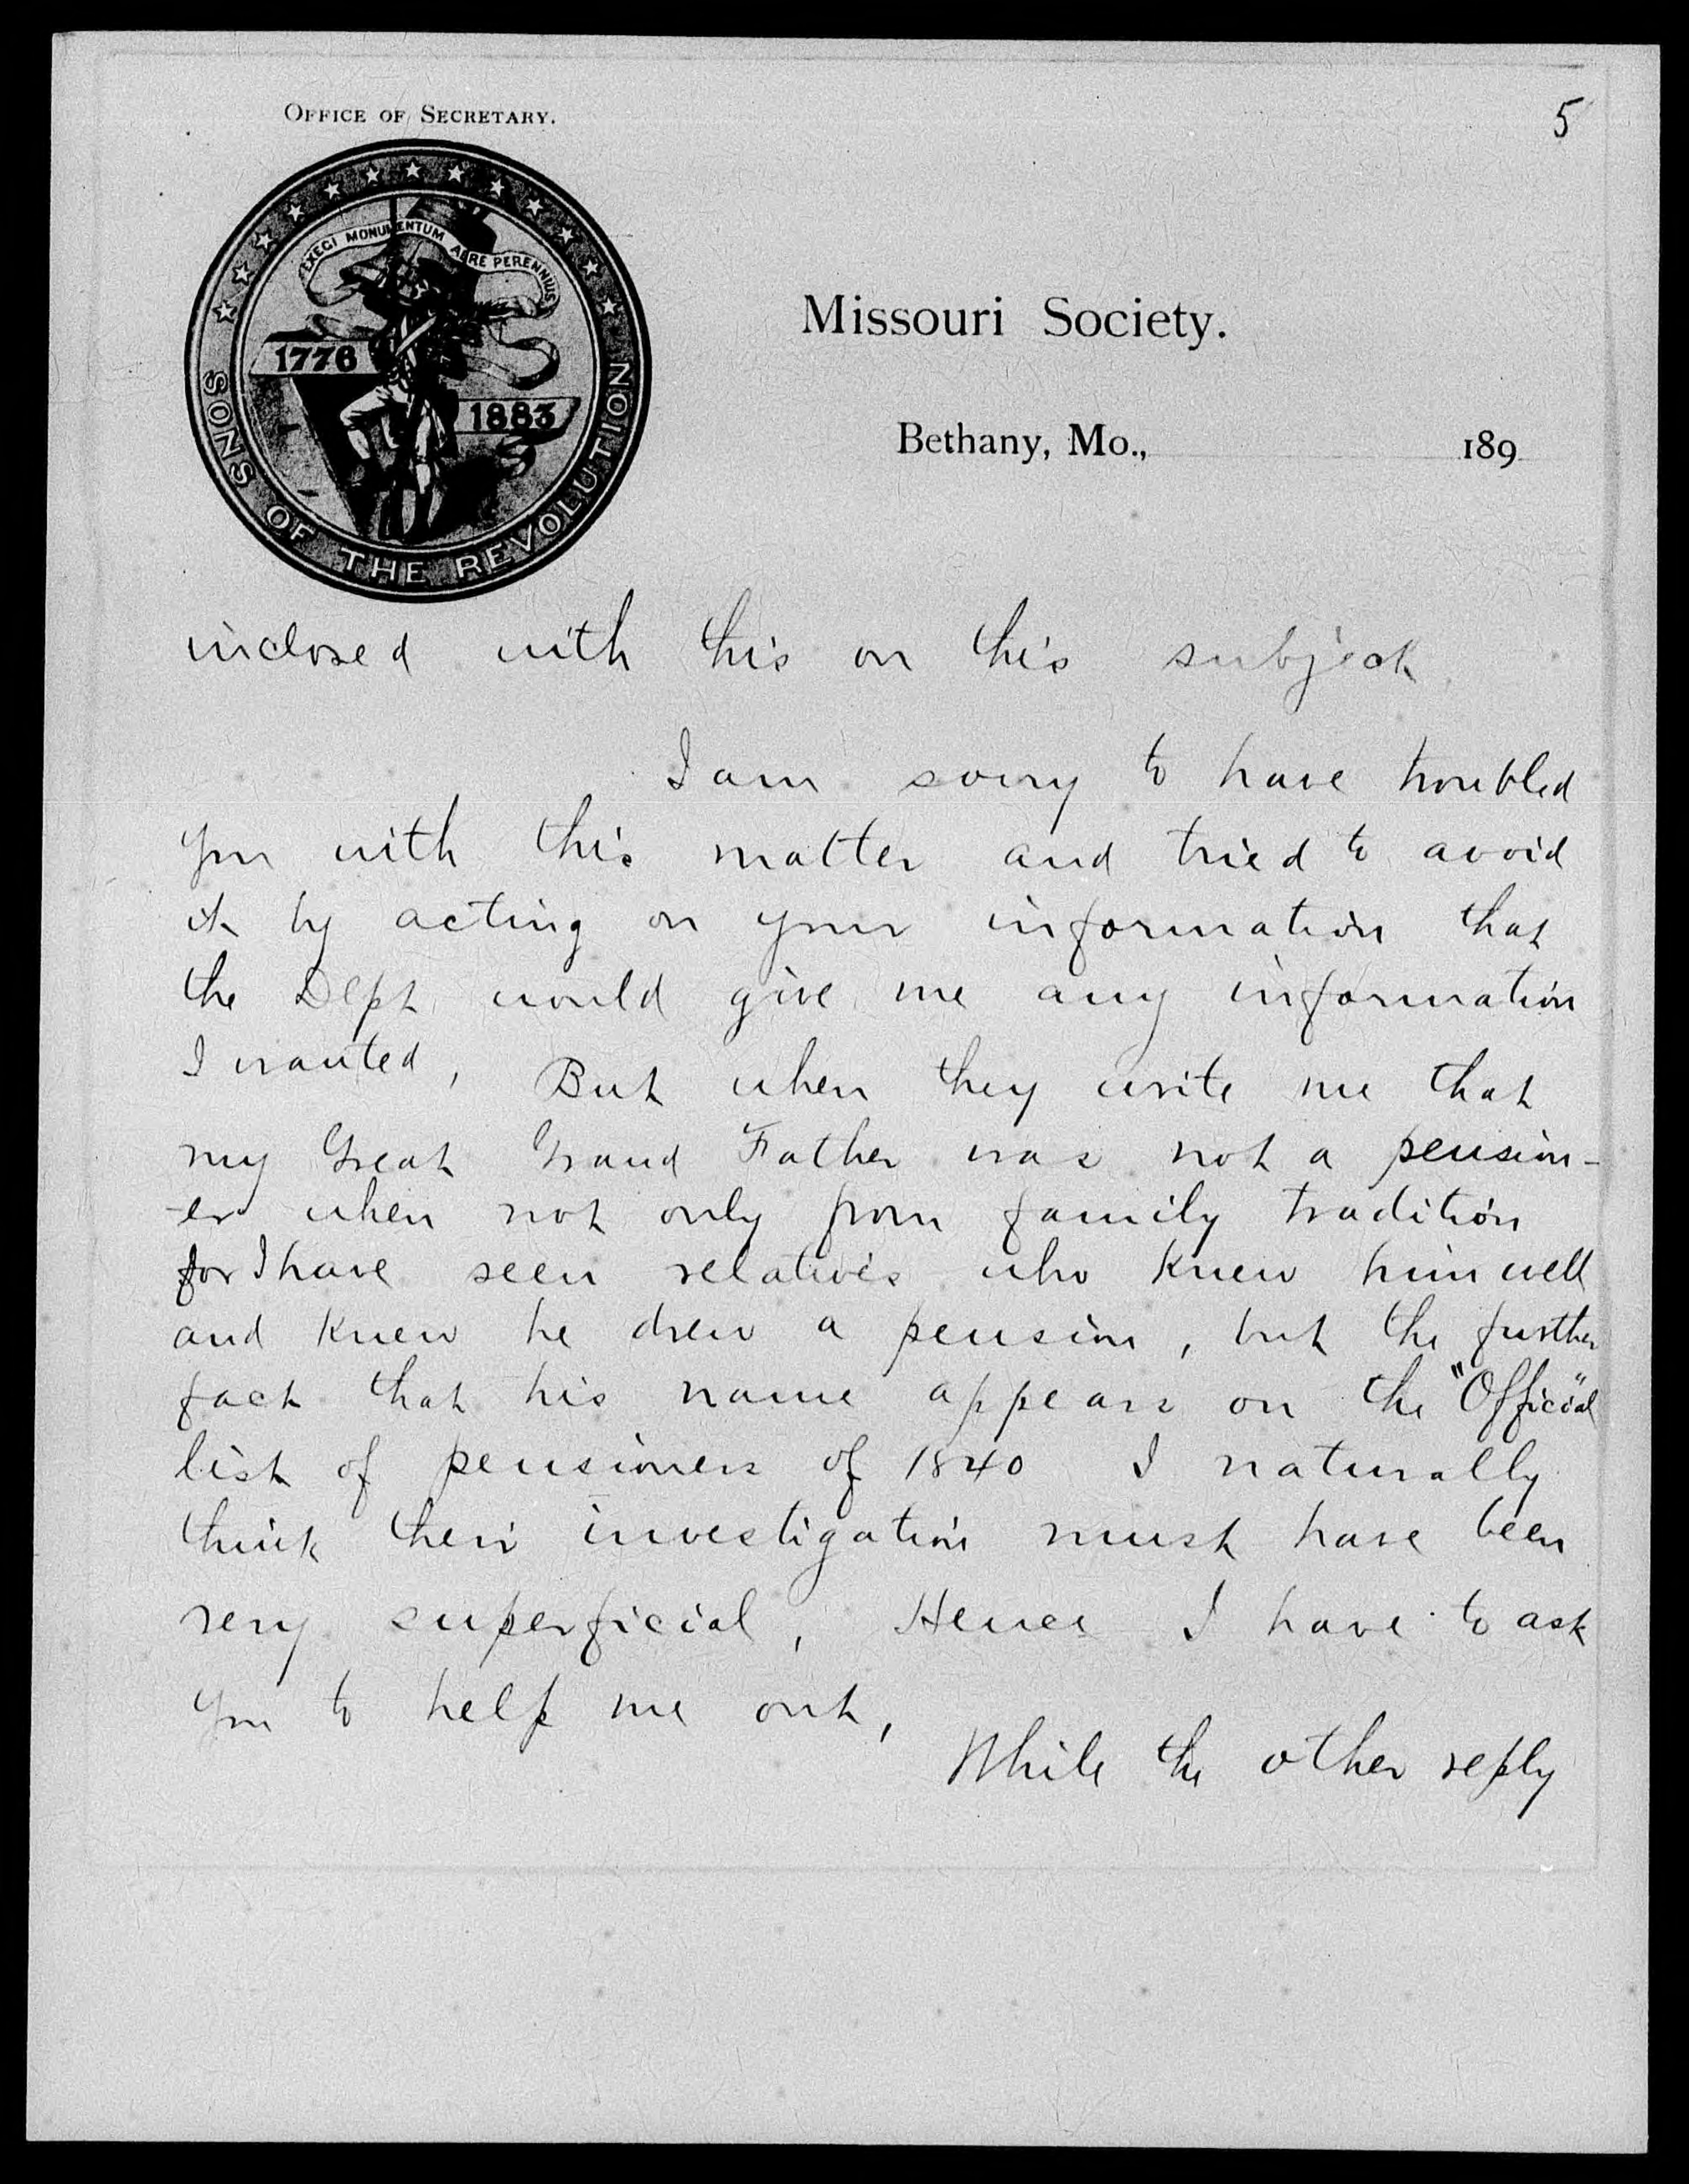Office of Secretary
[seal] SONS OF THE REVOLUTION 1776 1883
Missouri Society. Bethany, Mo., --- 189

inclosed [ENCLOSED] with this on this subject
I am sorry to have troubled you with this matter and tried to avoid it by acting on your information that the Dept. would give me any information I wanted, But when they  write me that my Great Grand Father was a not a pensioner when not only from family tradition for I have seen relatives who knew him well and knew he drew a pension, but the further fact that his name appears on the "Official " list of pensioners of 1840 I naturally think their investigation must have been very superficial,  However I have to ask you to help me out.
While the other reply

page: 34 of 53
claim: widow's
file: W. 492, for Daniel Lamprey, New Hampshire